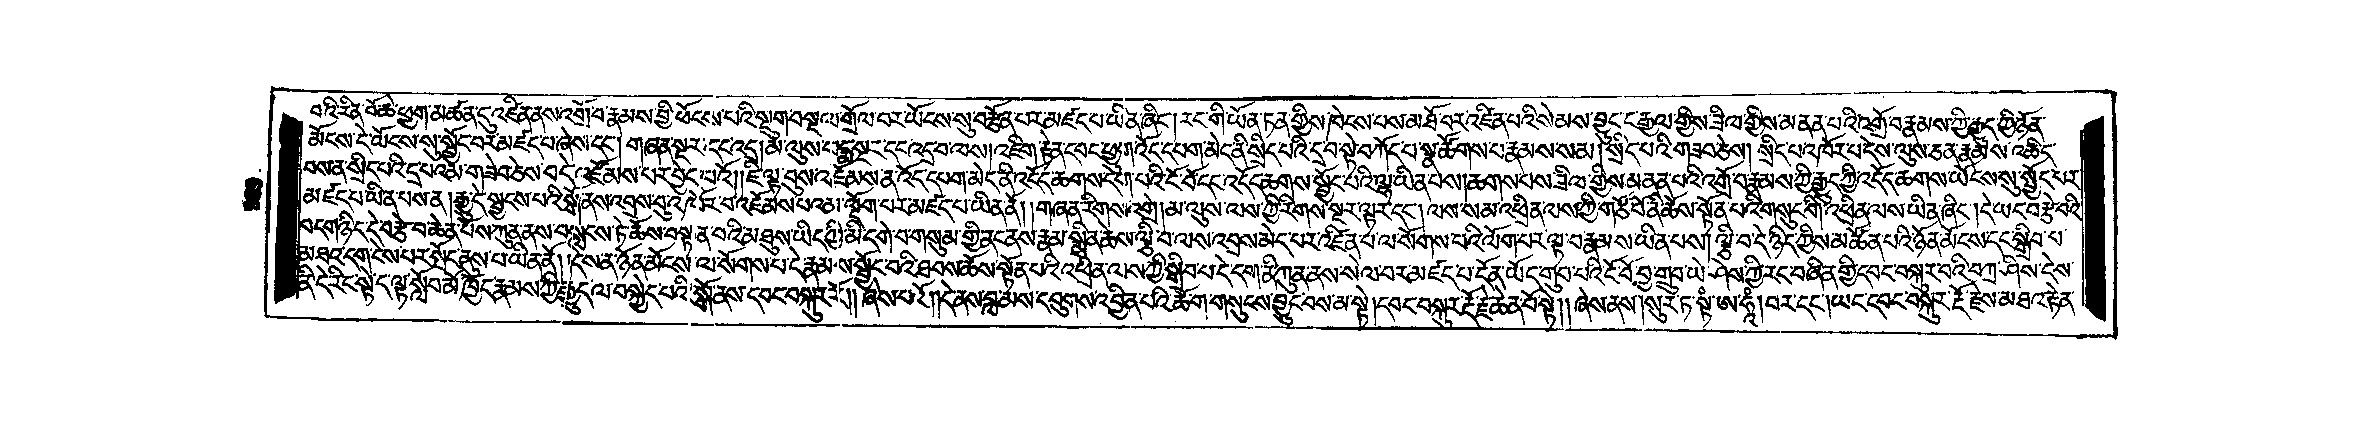བའི་རིན་པོ་ཆེ་ཕྱག་མཚན་དུ་འཛིན་ནས་འགྲོ་བ་རྣམས་བྱི་ཕོངས་པའི་སྡུག་བསྔལ་གྲོལ་བར་ཡོངས་སུ་བརྩོན་པར་མཛད་པ་ཡིན་ཞིང་། རང་གི་ཡོན་ཏན་གྱིས་ཁེངས་པས་མཐོ་བར་འཛིན་པའི་སེམས་བྱུང་ང་རྒྱལ་གྱིས་ཟིལ་གྱིས་མནན་པའི་འགྲོ་བ་རྣམས་ཀྱི་རྒྱུད་ཀྱི་ཉོན་
མོངས་དེ་ཡོངས་སུ་སྦྱོང་བར་མཛད་པ་ཞེས་དང་། གཞན་སྔར་དང་འདྲ། མ་ལུས་པདམ་སྡང་དང་འདྲ་བ་ལས། འཇིག་རྟེན་དབང་ཕྱུག་འོད་དཔག་མེད་ནི་སྲིད་པའི་དྲ་བ་སྟེ་བཀོད་པ་སྣ་ཚོགས་པ་རྣམས་སམ། སྲིད་པའི་གཟབ་ཅེས། སྲིད་པ་འཁོར་པ་དེས་ལུས་ཅན་རྣམས་འཆིད་
བས་ན་སྲིད་པའི་དྲ་པའམ་གཟེབ་ཅེས་བདེ་འཛོམས་པར་བྱེད་པའོ། །ཇི་ལྟ་བུས་འཇོམས་ན་འོད་དཔག་མེད་ནི་འདོད་ཆགས་དག་པའི་ངོ་བོ་དང་འདོད་ཆགས་སྦྱོང་བའི་ལྷ་ཡིན་པས། ཆགས་པས་ཟིལ་གྱིས་མནན་པའི་འགྲོ་བ་རྣམས་ཀྱི་རྒྱུད་ཀྱི་འདོད་ཆགས་ཡོངས་སུ་སྤྱོད་པར་
མཛད་པ་ཡིན་པས་ན། རྒྱུ་དེ་སྦྱངས་པའི་སྒོ་ནས་འབྲས་བུ་འཁོར་བ་འཇོམས་པའམ་ལྡོག་པར་མཛད་པ་ཡིན་ནོ། །གཞན་རིགས་འགྲེ་།མ་ལུས་ལས་ཀྱི་རིགས་སྔར་ལྟར་དང་། ལས་སམ་འཕྲིན་ལས་ཀྱི་གཙོ་བོ་ནི་ཆོས་སྟོན་པའི་གསུང་གི་འཕྲིན་ལས་ཡིན་ཞིང་། དེ་ཡང་བརྩེ་བའི་
བདག་ཉིད་དེ་བརྩེ་བ་ཆེན་པོས་ཀུན་ནས་བསླངས་ཏེ་ཆོས་བསྟན་པའི་མཐུས་ཡིད་ཀྱི་མི་དགེ་བ་གསུམ་གྱི་ནང་ནས་རྣམ་སྨྲིན་ཆེས་ལྕི་བ་ལས་འབྲས་མེད་པར་འཛིན་པ་ལ་སོགས་པའི་ལོག་པར་ལྟ་བ་རྣམས་ཡིན་པས། ལྕི་བ་དེ་ཉིད་ཀྱིས་མཚོན་པའི་ཉོན་མོངས་དང་སྒྲིབ་པ་
མཐའ་དག་ངེས་པར་སྤོང་ནུས་པ་ཡིན་ནོ། །དེས་ན་ཉོན་མོངས་ལ་སོགས་པ་དེ་རྣམས་སྦྱོང་བའི་ཐབས་ཆོས་སྟོན་པའི་འཕྲིན་ལས་ཀྱི་སྒྲིབ་པ་དེ་དག་ནི་ཀུན་ནས་སེལ་བར་མཛད་པ་དོན་ཡོད་གུབ་པའི་ངོ་བོ་བྱ་གྲུབ་ཡེ་ཤེས་ཀྱི་རང་བཞིན་གྱི་དབང་བསྐུར་བའི་བཀྲ་ཤིས་དེས་
ནི་དེ་རིང་སྟེ་ད་ལྟ་སློབ་མོ་ཁྱོད་རྣམས་ཀྱི་རྒྱུད་ལ་བསྐྱེད་པའི་སྒོ་ནས་དབང་བསྐུར་རོ། །ཞེས་པའོ། །དེ་ནས་བླ་མས་དབུགས་འབྱིན་པའི་ཆོ་ག་གསུངས་བྱུང་བས་མ་སྟེ། དབང་བསྐུར་རྡོ་རྗེ་ཆེན་པོ་སྟེ། །ཞེས་ནས། སུར་ཏ་སྟཾ་ཨ་ཧཱུཾ། བར་དང་། ཡང་དབང་བསྐུར་རྡོ་རྗེས་མཐའ་རྟེན་